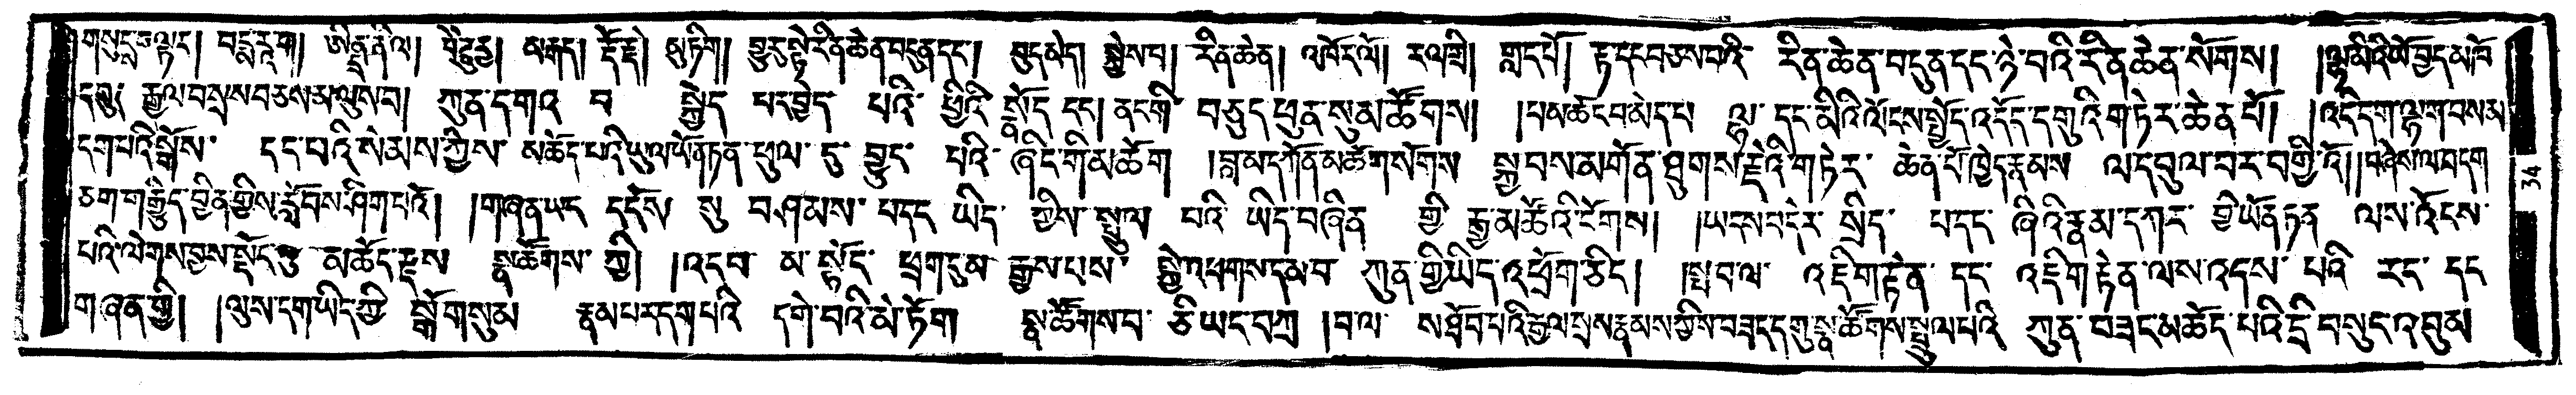གསུངས་བ་ལྟར། པདམ་རཱ་ག། ཨིནྡྲ་ནི་ལ། བཻཌཱུརྱ། མརྒད། རྡོ་རྗེ། མུ་ཏིག། བྱུ་རུ་སྟེ་རིན་ཆེན་བདུན་དང་། བུད་མེད། སྐྱེས་བ། རིན་ཆེན། འཁོར་ལོ། རལ་གྲི། གླང་པོ། རྟ་དང་བཅས་པའི་རིན་ཆེན་བདུན་དང་ཉེ་བའི་རིན་ཆེན་སོགས། །ལྷ་མིའི་ཡོ་བྱད་མཁོ་
དགུ༑ རྒྱལ་བ་སྲས་བཅས་མ་ལུས་བ། ཀུན་དགའ་བ་སྐྱེད་པར་བྱེད་པའི་ཕྱིའི་སྣོད་དང་། ནང་གི་བཅུད་ཕུན་སུམ་ཚོགས། །པམ་ཚང་བ་མེད་པ་ལྷ་དང་མིའི་ལོངས་སྤྱོད་འདོད་དགུའི་གཏེར་ཆེན་པོ། །འདི་དག་ལྷག་བསམ་
དག་པའི་སྒོས་དད་པའི་སེམས་ཀྱིས་མཆོད་པའི་ཡུལ་ཡོན་ཏན་ཕུལ་དུ་བྱུང་པའི་ཞིང་གི་མཆོག །བླ་མ་དཀོན་མཆོག་སོགས་སྐྱབས་མགོན་ཐུགས་རྗེའི་གཏེར་ཆེན་པོ་ཁྱེད་རྣམས་ལ་དབུལ་བར་བགྱི་འོ། །བཞེས་ལ་བདག་
ཅག་གི་རྒྱུད་བྱིན་གྱིས་རློབས་ཤིག་པའོ། །གཞན་ཡང་དངོས་སུ་བཤམས་པ་དང་ཡིད་ཀྱིས་སྤྲུལ་པའི་ཡིད་བཞིན་གྱི་རྒྱ་མཚོའི་ངོགས། །ཡངས་བདེར་སྲིད་པ་དང་ཞིའི་རྣམ་དཀར་གྱི་ཡོན་ཏན་ལས་འོངས་
པའི་ལེགས་བྱས་སྡོང་བུ་མཆོད་རྫས་སྣ་ཚོགས་ཀྱི། །འདབ་མ་སྟོང་ཕྲག་དུ་མ་རྒྱས་པས་སྐྱེ་འཕགས་དམ་བ་ཀུན་གྱི་ཡིད་འཕྲོག་ཅིང་། །སྤ་བ་ལ་འཇིག་རྟེན་དང་འཇིག་རྟེན་ལས་འདས་པའི་རང་དང་
གཞན་གྱི། །ལུས་ངག་ཡིད་ཀྱི་སྒོ་གསུམ་རྣམ་པར་དག་པའི་དགེ་བའི་མེ་ཏོག་སྣ་ཚོགས་པ་ཅི་ཡང་བཀྲ་།བ་ལ་ས་ཐོབ་པའི་རྒྱལ་སྲས་རྣམས་ཀྱིས་བཟང་དགུ་སྣ་ཚོགས་སྤྲུལ་པའི་ཀུན་བཟང་མཆོད་པའི་དྲི་བསུང་འབུམ་